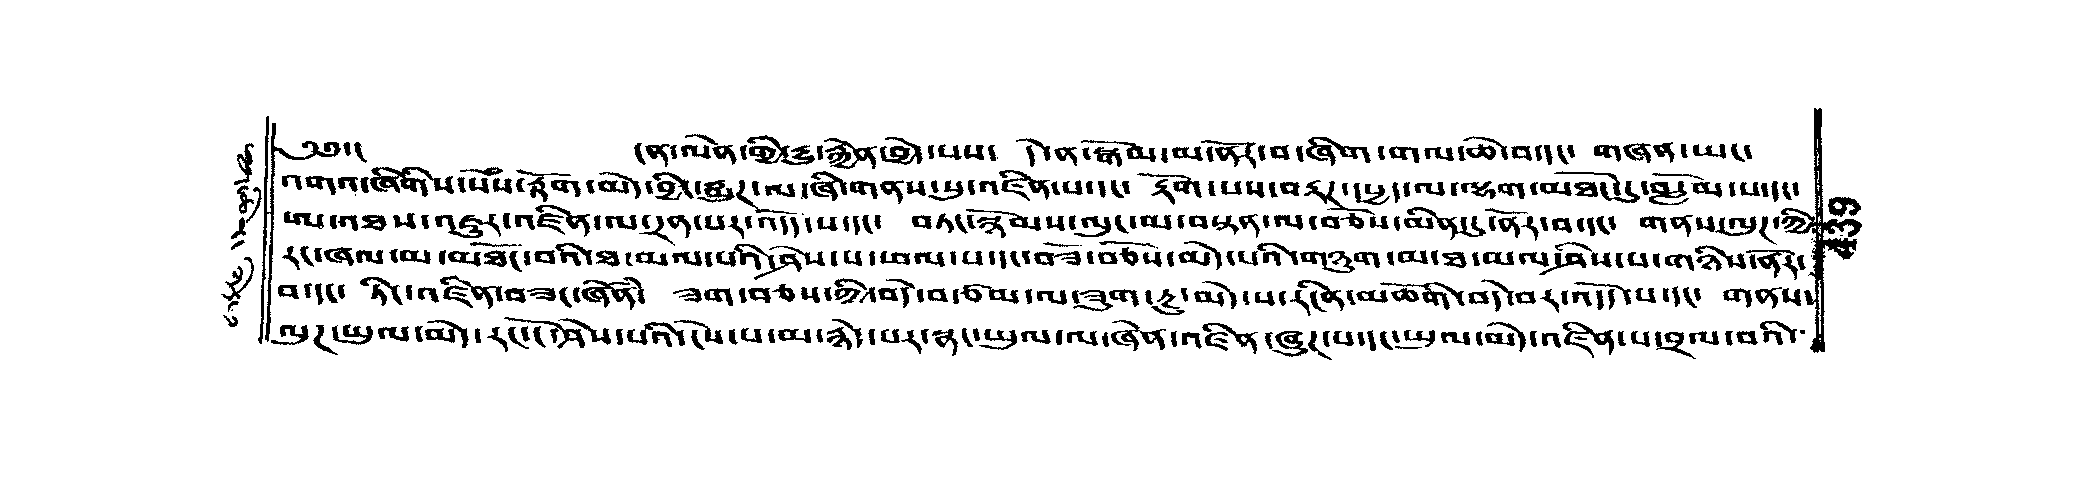ངན་ལེན་གྱི་རྒྱུ་རྐྱེན་བྱེད་པས། དེས་ན་སྒོམ་མ་ནོར་བ་ཞིག་གལ་ཆེ་བ་དང་། གཞན་ཡང་
འགའ་ཞིག་གིས་སེམས་རྟོག་མེད་བྱིང་རྨུགས་ལ་ཞི་གནས་སུ་འཛིན་པ་དང་། རྟོག་པས་བརྟག་དཔྱད་ལ་ལྷག་མཐོང་དུ་བརློམ་པ་དང་། 
ཨ་འཐས་འཇུར་འཛིན་ལ་དྲན་པར་འདོད་པ་དང་། བཏང་སྙོམས་ལུང་མ་བསྟན་ལ་བཅོས་མིན་དུ་ནོར་བ་དང་། གནས་ལུགས་ཀྱི་
རང་ཞལ་མ་མཐོང་བའི་ཐ་མལ་པའི་ཤེས་པ་ཕལ་པ་དང་བཟོ་བཅོས་མེད་པའི་གཉུག་མ་ཐ་མལ་ཤེས་པ་གཉིས་ནོར་
བ་དང་། ཏིང་འཛིན་བཟང་ཞེན་ནམ། ཟག་བཅས་ཀྱི་བདེ་བ་ཙམ་ལ་ཟུག་རྔུ་མེད་པ་རང་བཞིན་མཆོག་གི་བདེ་བར་འདོད་པ་དང་། གནས་
ལུགས་ཡུལ་མེད་རང་ངོ་ཤེས་པའི་ངེས་པ་མ་རྙེད་པར་སྣང་ཡུལ་ལ་ཞེན་འཛིན་ཞུགས་པ་དང་ཡུལ་མེད་འཛིན་པ་བྲལ་བའི་